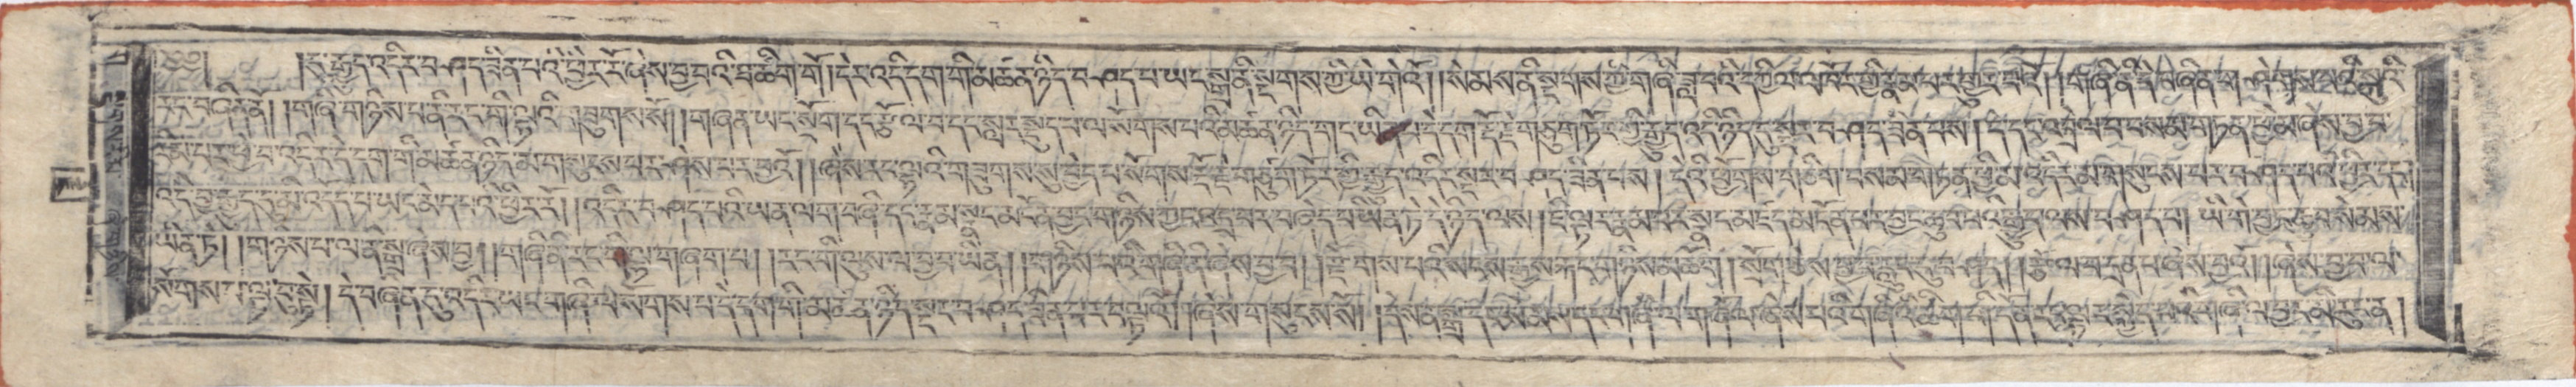༄༅། །དུ་རྒྱུད་འདིར་བཤད་ཟིན་པའི་ཕྱིར་རོ་ཞེས་བྱ་བའི་ཐ་ཚིག་གོ །དེར་འདི་དག་གི་མཚན་ཉིད་བཤད་པ་ཡང་སྒྲ་ནི་སྔགས་ཀྱི་ཡི་གེའོ། །སེམས་ནི་སྔགས་ཀྱི་གཞི་ཟླ་བའི་དཀྱིལ་འཁོར་གྱི་རྣམ་པར་གྱུར་པའོ། །གཞི་ནི་དེ་བཞིན་གཤེགས་པའི་སྐུའི་
རང་བཞིན་ནོ། །གཞི་གཉིས་པ་ནི་རང་གི་ལྷའི་གཟུགས་སོ། །གཞན་ཡང་སྲོག་དང་རྩོལ་བ་དང་སླར་སྡུད་པ་ལ་སོགས་པའི་མཚན་ཉིད་གང་ཡིན་པ་དེ་དག་རྡོ་རྗེ་གཙུག་ཏོར་གྱི་རྒྱུད་འདི་ཉིད་དུ་སྔར་བཤད་ཟིན་པས། དེ་དང་འབྲེལ་པ་བསམ་གཏན་ཕྱི་མ་ཞེས་བྱ་བ་
རིམ་པར་ཕྱེ་བ་འདིར་དེ་དག་གི་མཚན་ཉིད་མ་གསུངས་པར་ཤེས་པར་བྱའོ། །ཞེས་རང་ལྷའི་གཟུགས་སུ་བྱེད་པ་སོགས་རྡོ་རྗེ་གཙུག་ཏོར་གྱི་རྒྱུད་འདིར་སྔར་བཤད་ཟིན་པས། དེའི་ཕྱོགས་གཅིག་བསམ་གཏན་ཕྱི་མ་འདིར་མ་གསུངས་པར་བཤད་པའི་ཕྱིར་དང་།
འདི་བྱ་རྒྱུད་དུ་མི་འདོད་པ་ཡང་མེད་པའི་ཕྱིར་རོ། །འདིར་བཤད་པའི་ཡན་ལག་བཞི་དང་རྣམ་སྣང་མངོན་བྱང་གཉིས་ཀྱང་འདྲ་བར་བཞེད་པ་ཡིན་ཏེ་དེ་ཉིད་ལས། ཇི་ལྟར་རྣམ་པར་སྣང་མཛད་མངོན་པར་བྱང་ཆུབ་པའི་རྒྱུད་ལས་བཤད་པ། ཡི་གེ་བྱང་ཆུབ་སེམས་
ཡིན་ཏེ། །གཉིས་པ་ལ་ནི་སྒྲ་ཞེས་བྱ། །གཞི་ནི་རང་གི་ལྷ་གཞག་པ། །རང་གི་ལུས་ལ་བྱ་བ་ཡིན། །གཉིས་པའི་གཞི་ནི་ཞེས་བྱ་བ། །རྫོགས་པའི་སངས་རྒྱས་རྐང་གཉིས་མཆོག །སྲོག་ཅེས་བྱ་བ་རླུང་དུ་བཤད། །རྩོལ་བ་དྲན་པ་ཞེས་བྱའོ། །ཞེས་བྱ་བ་ལ་
སོགས་པ་ལྟ་བུ་སྟེ། དེ་བཞིན་དུ་འདིར་ཡང་གཞི་ལ་སོགས་པ་དེ་དག་གི་མཚན་ཉིད་སྔར་བཤད་ཟིན་པར་བལྟའོ། །ཞེས་གསུངས་སོ། །དེས་ན་སྒྲ་དང་སེམས་དང་གཞི་ལ་གཞོལ་ཞེས་པའི་གཞིའི་ཚིག་གི་དོན་རང་ལྷར་སྐྱེད་པའི་གཞི་ལ་བྱར་མི་རུང་ན།